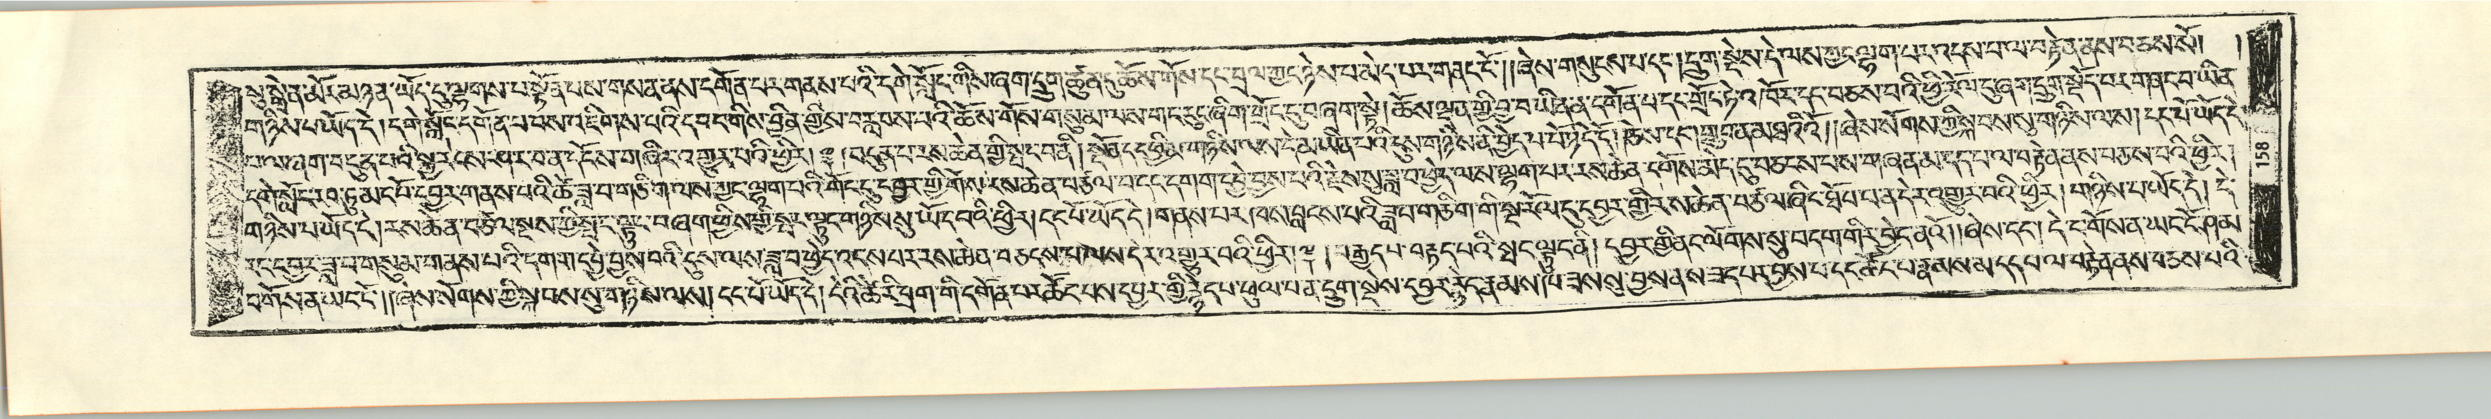སུ་སྒྲེན་མོར་མཉན་ཡོད་དུ་ལྷགས་པ་སྟོན་པས་གསན་ནས་དགོན་པར་གནས་པའི་དགེ་སློང་གིས་ཞག་དྲུག་ཚུན་དུ་ཆོས་གོས་དང་བྲལ་ཀྱང་ཉེས་པ་མེད་པར་གནང་ངོ། །ཞེས་གསུངས་པ་དང་། དྲུག་སྡེས་དེ་ལས་ཀྱང་ལྷག་པར་འདས་པ་ལ་བརྟེན་ནས་བཅས་སོ། །
གཉིས་པ་ཡོད་དེ། དགེ་སློང་དགོན་པ་བས་འཇིགས་པའི་དབང་གིས་བྱིན་གྱིས་བརླབས་པའི་ཆོས་གོས་གསུམ་ལས་གང་རུང་ཞིག་གྲོང་དུ་བཞག་སྟེ། ཆོས་ལྡན་གྱི་བྱ་བ་ཡིན་ན་དགོས་པ་དང་གྲོང་ཏེ་འཁོར་དང་བཅས་པའི་ཕྱི་རོལ་དུ་ཞག་དྲུག་སྡོད་པར་གནང་བ་ཡིན་
པ་ལ་ཞག་བདུན་པའི་སྐྱེར་ངས་ཤར་བ་ན་དངོས་གཞིར་འགྱུར་པའི་ཕྱིར། ༈ །བདུན་པ་རས་ཆེན་གྱི་སྤང་བ་ནི། སྔོན་དང་ཕྱི་མ་གཉིས་ལས་དེ་མ་ཡིན་པའི་དུས་གཉིས་ནི་བྱེད་པ་པོ་ཉིད་དོ། །ཅེས་དང་། གྲུབ་ན་མཐའི་འོ། །ཞེས་སོགས་ཀྱི་སྐབས་སུ་གཉིས་ལས། དང་པོ་ཡོད་དེ།
དགེ་སློང་རབ་ཏུ་མང་པོ་དབྱར་གནས་པའི་ཚེ་ཟླ་བ་གཅིག་ལས་ཀྱང་ལྷག་པའི་གོང་དུ་དབྱར་གྱི་གོས་རས་ཆེན་པ་ཙལ་པ་དང་དགག་དབྱེ་བྱས་པའི་རྗེས་སུ་ཟླ་བ་ཕྱེད་ལས་ལྷག་པར་རས་ཆེན་དགོས་མེད་དུ་བཅངས་པས་གཞན་མ་དད་པ་ལ་བརྟེན་ནས་བཅས་པའི་ཕྱིར།
གཉིས་པ་ཡོད་དེ། རས་ཆེན་བཙལ་སྔས་ཀྱི་སྤང་ལྟུང་བཞག་ཕྱིས་གྱི་སྤང་ལྟུང་གཉིས་སུ་ཡོད་པའི་ཕྱིར། དང་པོ་ཡོད་དེ། གནས་པར་ཁས་བླངས་པའི་ཟླ་བ་གཅིག་གི་སྔ་རོལ་དུ་དབྱར་གྱི་རས་ཆེན་བཙལ་ཞིང་ཐོབ་པ་ན་དེར་འགྱུར་བའི་ཕྱིར། གཉིས་པ་ཡོད་དེ། དེ་
རང་དབྱར་ཟླ་བ་གསུམ་གནས་པའི་དགག་དབྱེ་བྱས་པའི་དུས་ལས་ཟླ་བ་ཕྱེད་འདས་པར་རས་ཆེན་བཅངས་པ་ལས་དེར་འགྱུར་བའི་ཕྱིར། ༈ །བརྒྱད་པ་བརྟད་པའི་སྤང་ལྟུང་ནི། དབྱར་གྱི་ནང་ལོགས་སུ་བདག་གིར་བྱེད་ནའོ། །ཞེས་དང་། དེ་བགོས་ན་ཡང་ངོ་ཤམ་
བགོས་ན་ཡང་ངོ། །ཞེས་སོགས་ཀྱི་སྐབས་སུ་གཉིས་ལས། དང་པོ་ཡོད་དེ། དེའི་ཚེ་རི་བྲག་གི་དགོན་པར་ཚོང་པས་དབྱར་གྱི་རྙེད་པ་ཕུལ་པ་ན་དྲུག་སྡེས་དབྱར་རྙེད་རྣམས་ཁ་ཟས་སུ་བྱས་ནས་ཟད་པར་བྱས་པ་དང་ཚོང་པ་རྣམས་མ་དད་པ་ལ་བརྟེན་ནས་བཅས་པའི་